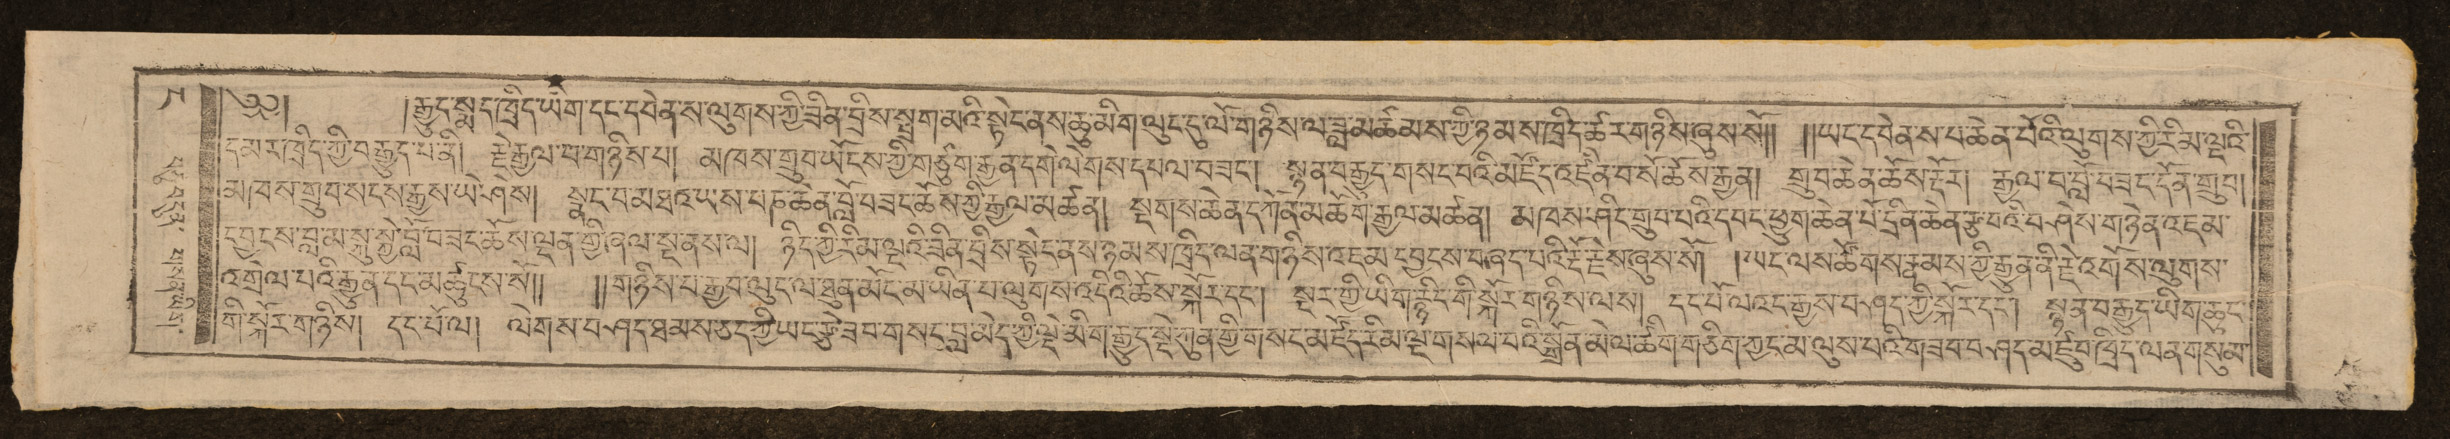༄༅། །རྒྱུད་སྨད་ཁྲིད་ཡིག་དང་དབེན་ས་ལུགས་ཀྱི་ཟིན་བྲིས་སྦྲག་མའི་སྟེང་ནས་ཆུ་མིག་ལུང་དུ་ལོ་གཉིས་ལ་ཟླ་མཚམས་ཀྱི་ཉམས་ཁྲིད་ཚར་གཉིས་ཞུས་སོ།། །།ཡང་དཔེན་ས་པ་ཆེན་པོའི་ལུགས་ཀྱི་རིམ་ལྔའི་
དམར་ཁྲིད་ཀྱི་བརྒྱུད་པ་ནི། རྗེ་རྒྱལ་བ་གཉིས་པ། མཁས་གྲུབ་ཡོངས་ཀྱི་གཙུག་རྒྱན་དགེ་ལེགས་དཔལ་བཟང་། སྙན་བརྒྱུད་གསང་བའི་མཛོད་འཛིན་པ་སོ་ཆོས་རྒྱན། གྲུབ་ཆེན་ཆོས་རྡོར། རྒྱལ་བ་བློ་བཟང་དོན་གྲུབ།
མཁས་གྲུབ་སངས་རྒྱས་ཡེ་ཤེས། སྣང་བ་མཐའ་ཡས་པཎ་ཆེན་བློ་བཟང་ཆོས་ཀྱི་རྒྱལ་མཚན། སྔགས་ཆེན་དཀོན་མཆོག་རྒྱལ་མཚན། མཁས་ཤིང་གྲུབ་པའི་དབང་ཕྱུག་ཆེན་པོ་དྲིན་ཆེན་རྩ་བའི་བཤེས་གཉེན་འཇམ་
དབྱངས་བླ་མ་སྐུ་སྐྱེ་བློ་བཟང་ཆོས་ལྡན་གྱི་ཞལ་སྔ་ནས་ལ། ཉིད་ཀྱི་རིམ་ལྔའི་ཟིན་བྲིས་སྟེང་ནས་ཉམས་ཁྲིད་ལན་གཉིས་འཇམ་དབྱངས་བཞད་པའི་རྡོ་རྗེས་ཞུས་སོ། །ཡང་ལས་ཚོགས་རྣམས་ཀྱི་རྒྱུན་ནི་རྗེ་འགོས་ལུགས་
འགྲེལ་པའི་རྒྱུན་དང་མཚུངས་སོ།། །།གཉིས་པ་རྒྱབ་ལུང་ལ་ཐུན་མོང་མ་ཡིན་པ་ལུགས་འདིའི་ཆོས་སྐོར་དང་། སྔར་གྱི་ཡིག་རྙིང་གི་སྐོར་གཉིས་ལས། དང་པོ་ལའང་རྒྱས་བཤད་ཀྱི་སྐོར་དང་། སྙན་བརྒྱུད་ཡིག་ཆུང་
གི་སྐོར་གཉིས། དང་པོ་ལ། ལེགས་བཤད་ཐམས་ཅད་ཀྱི་ཡང་རྩེ་ཟབ་གསང་བླ་མེད་ཀྱི་ལྡེ་མིག་རྒྱུད་སྡེ་ཀུན་གྱི་གསང་མཛོད་རིམ་ལྔ་གསལ་པའི་སྒྲོན་མེ་ལ་ཚིག་གཅིག་ཀྱང་མ་ལུས་པའི་གཟབ་བཤད་མཛུབ་ཁྲིད་ལན་གསུམ་